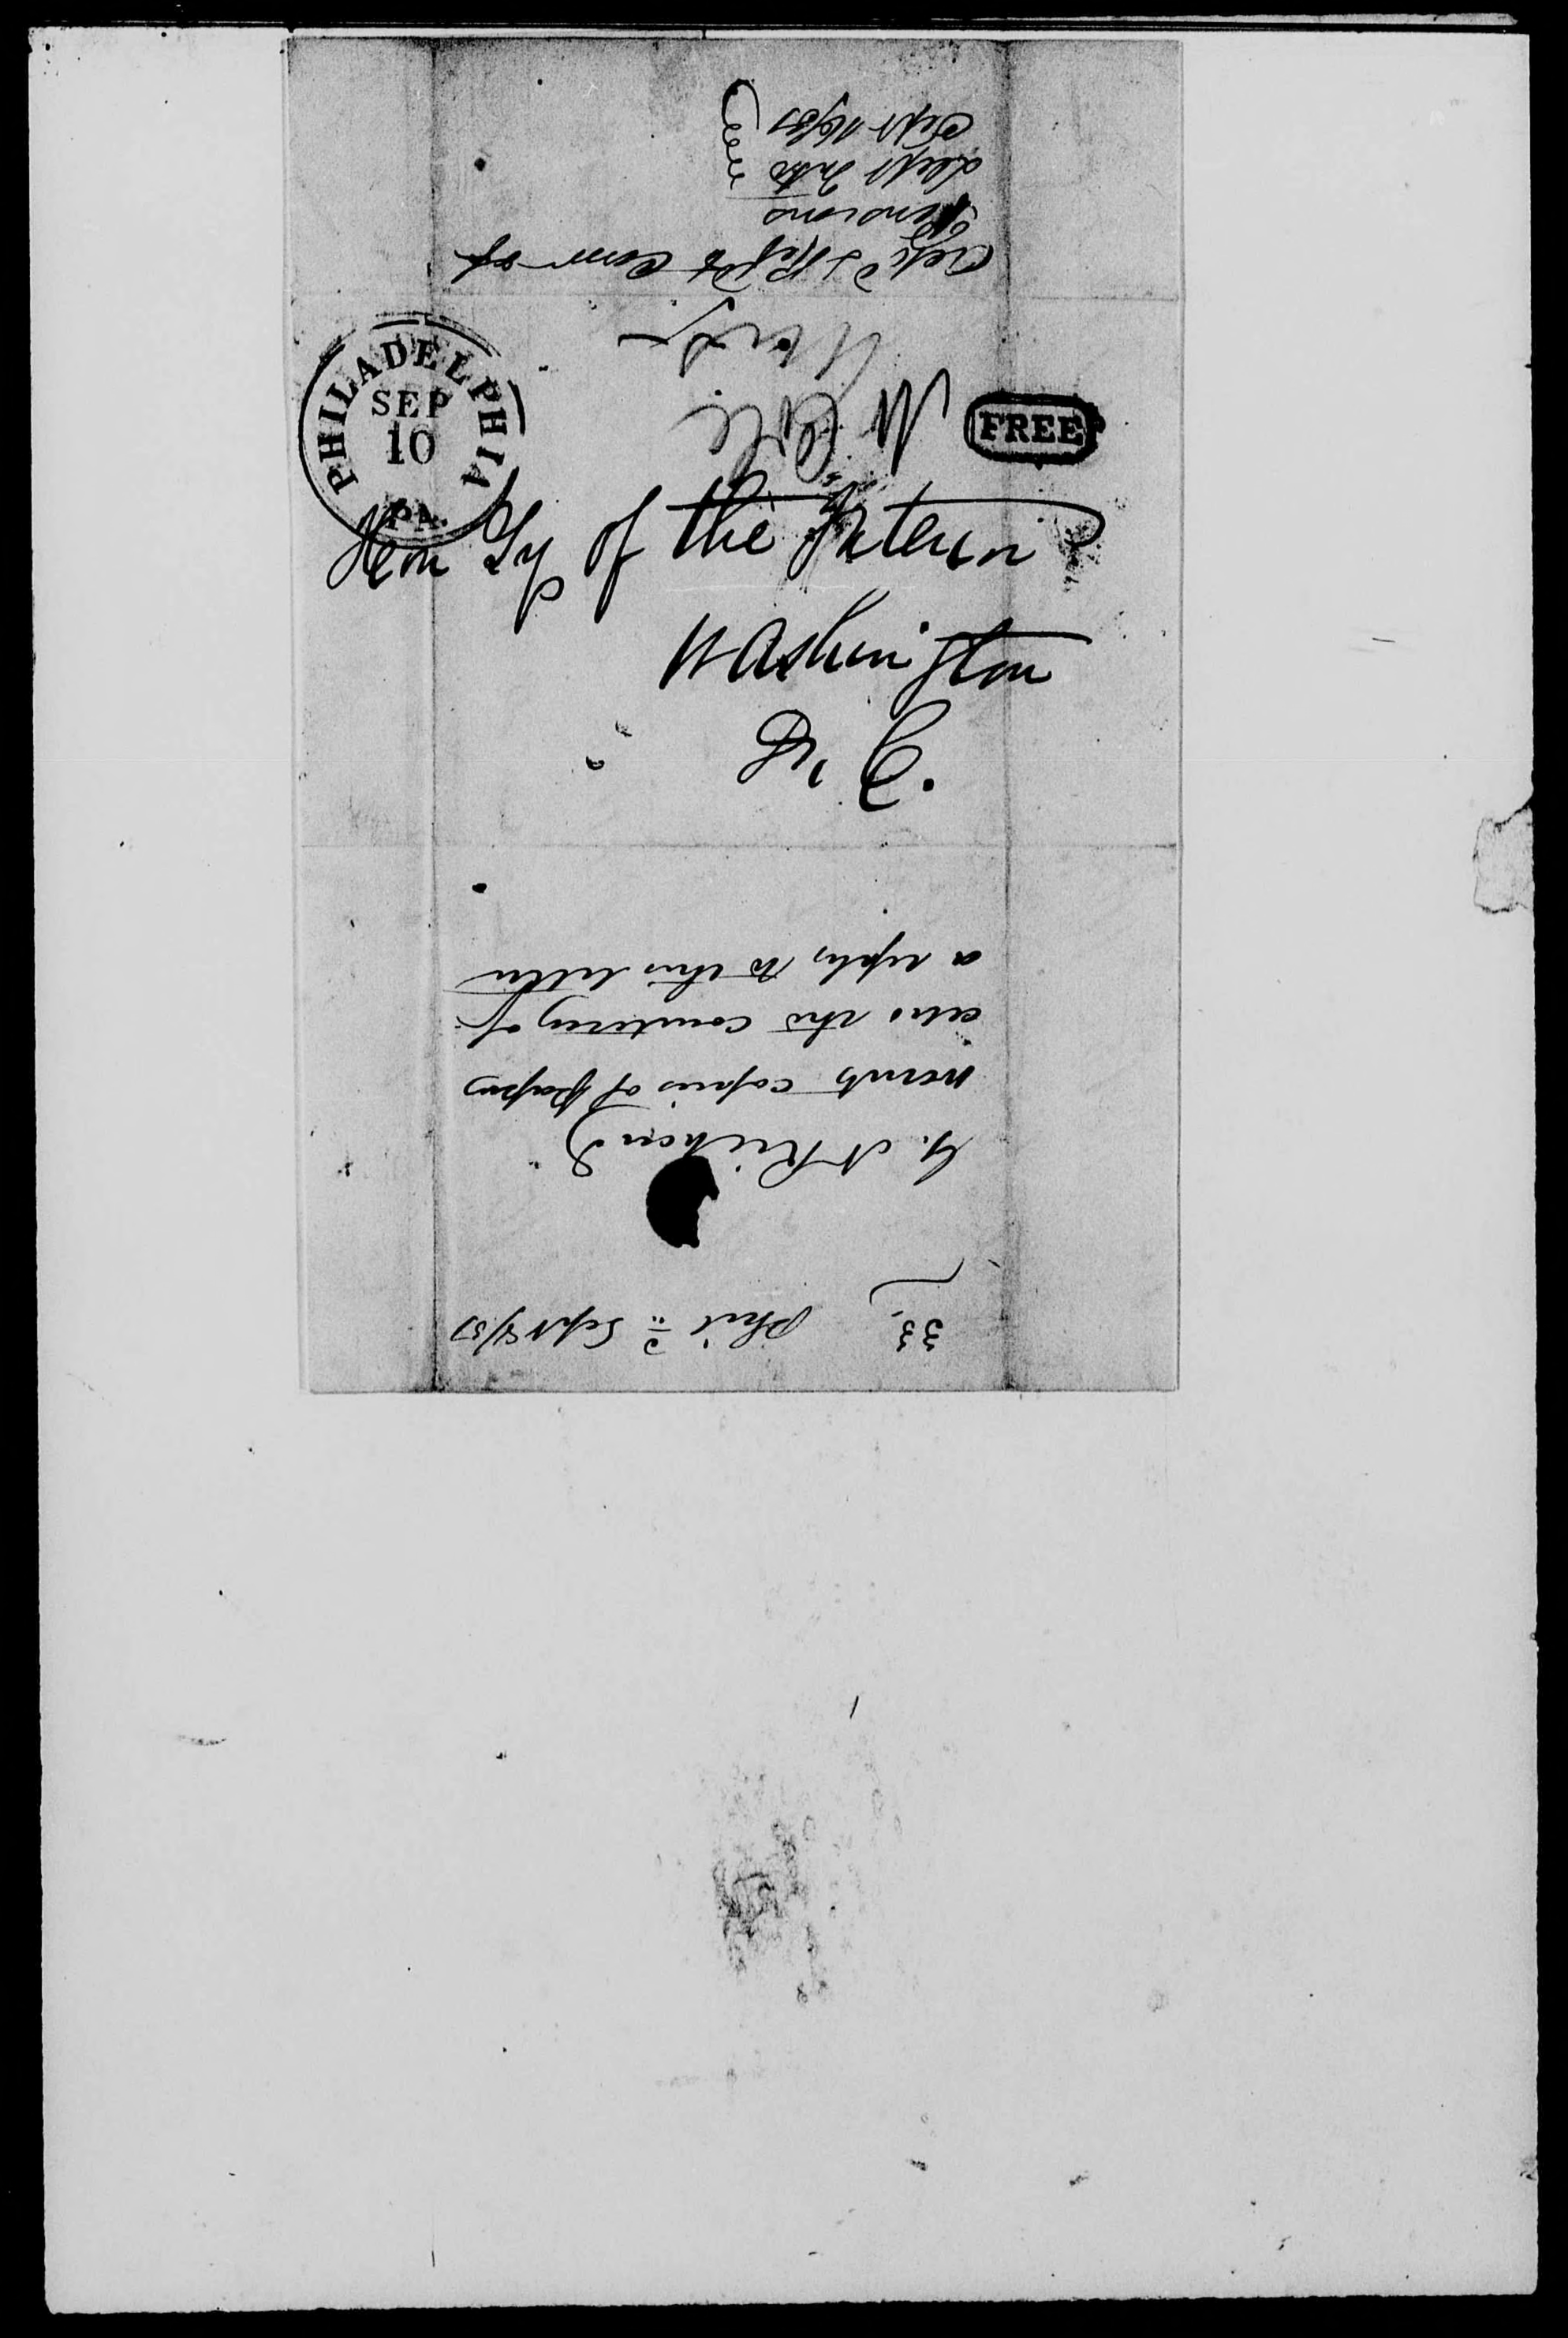Phil
Sept 8/51
G. N. Richards (illegible)--the coutesy of a reply to this letter

Philadelphia
Sep 
10

New Secretary of the Interior
Washington
D.C.

Rec'd & Repl'd (illegible)
Pensions
(illegible)
Sept 10/51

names: Cole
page: 19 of 32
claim: rejected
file: R. 2795, Jesse Dazey, Del.